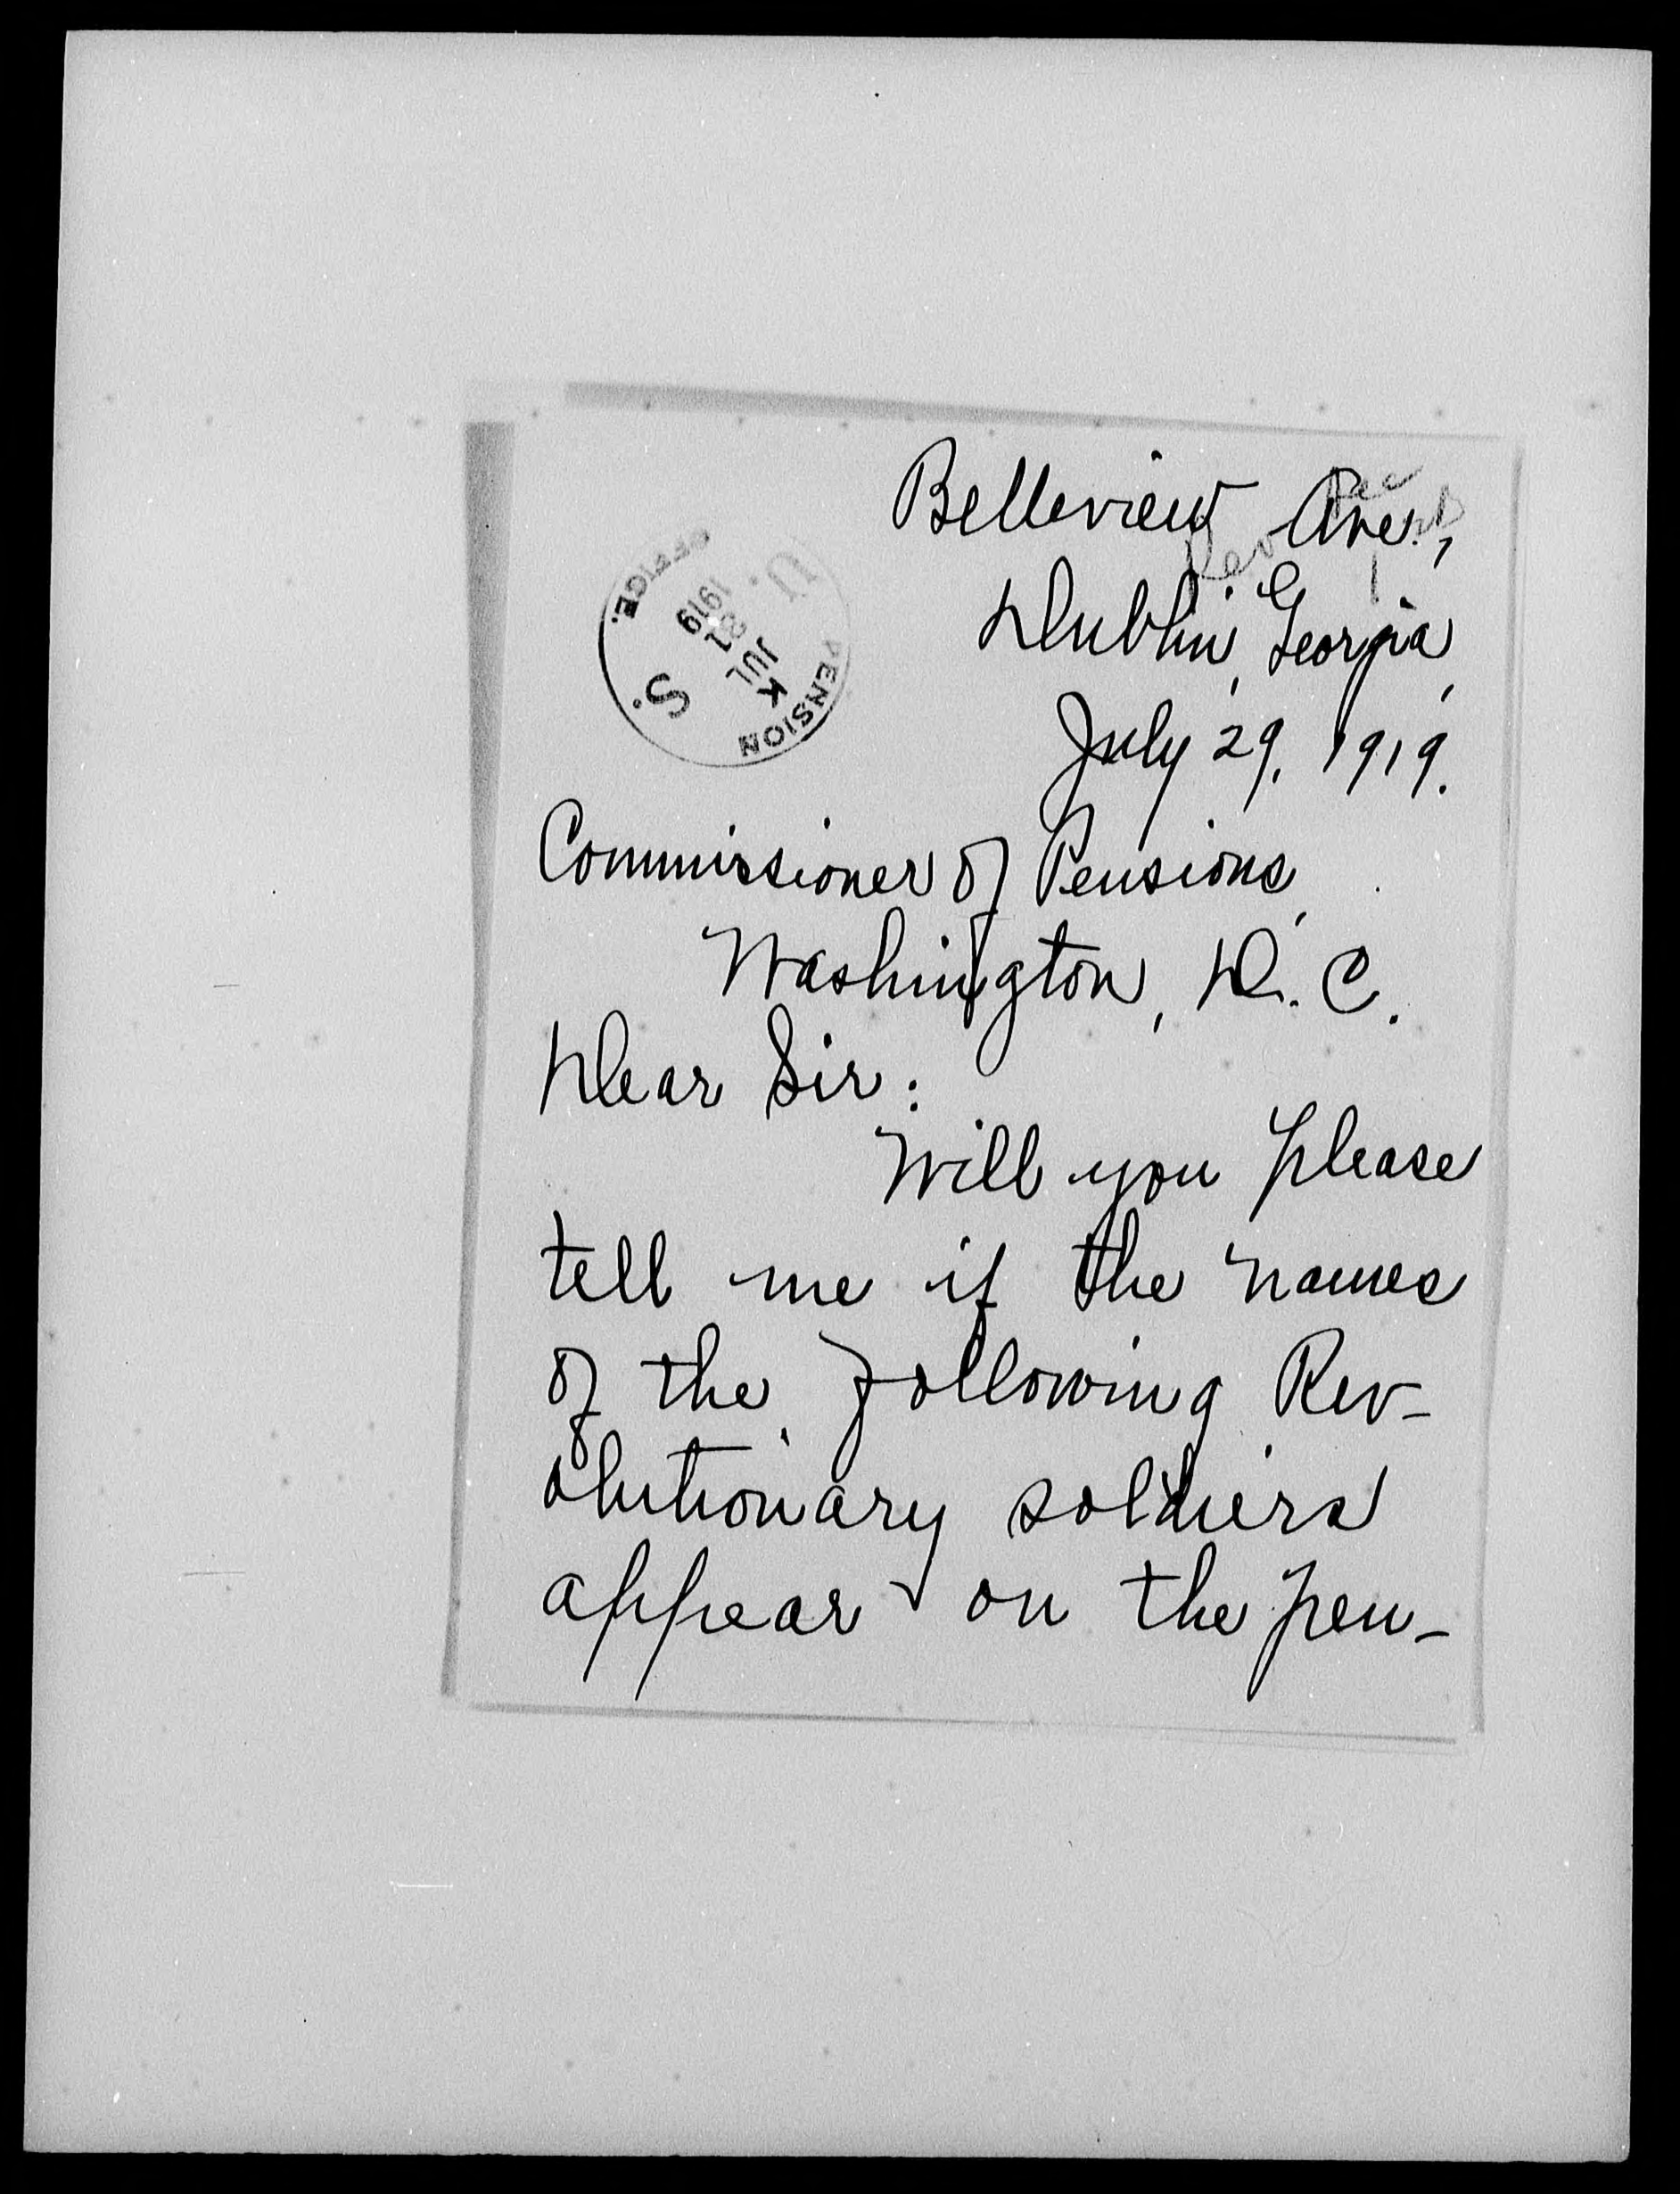[First page of three, with handwritten letter from Mrs. B. H. Rawls.] 

[ Round stamped impression reads:] US PENSION OFFICE
K
JUL 31 1919

Belleview Ave., 
Dublin, Georgia, July 29, 1919. 

[A handwritten penciled notation which was written over a portion of that address, reads:] Rev [illegible] 

Commissioner of Pensions, 
Washington, D.C.

Dear Sir:

Will you please tell me if the names of the following Revolutionary soldiers appear on the pen_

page: 136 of 145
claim: survivor's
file: S. 8265, William Cumming, N.C.